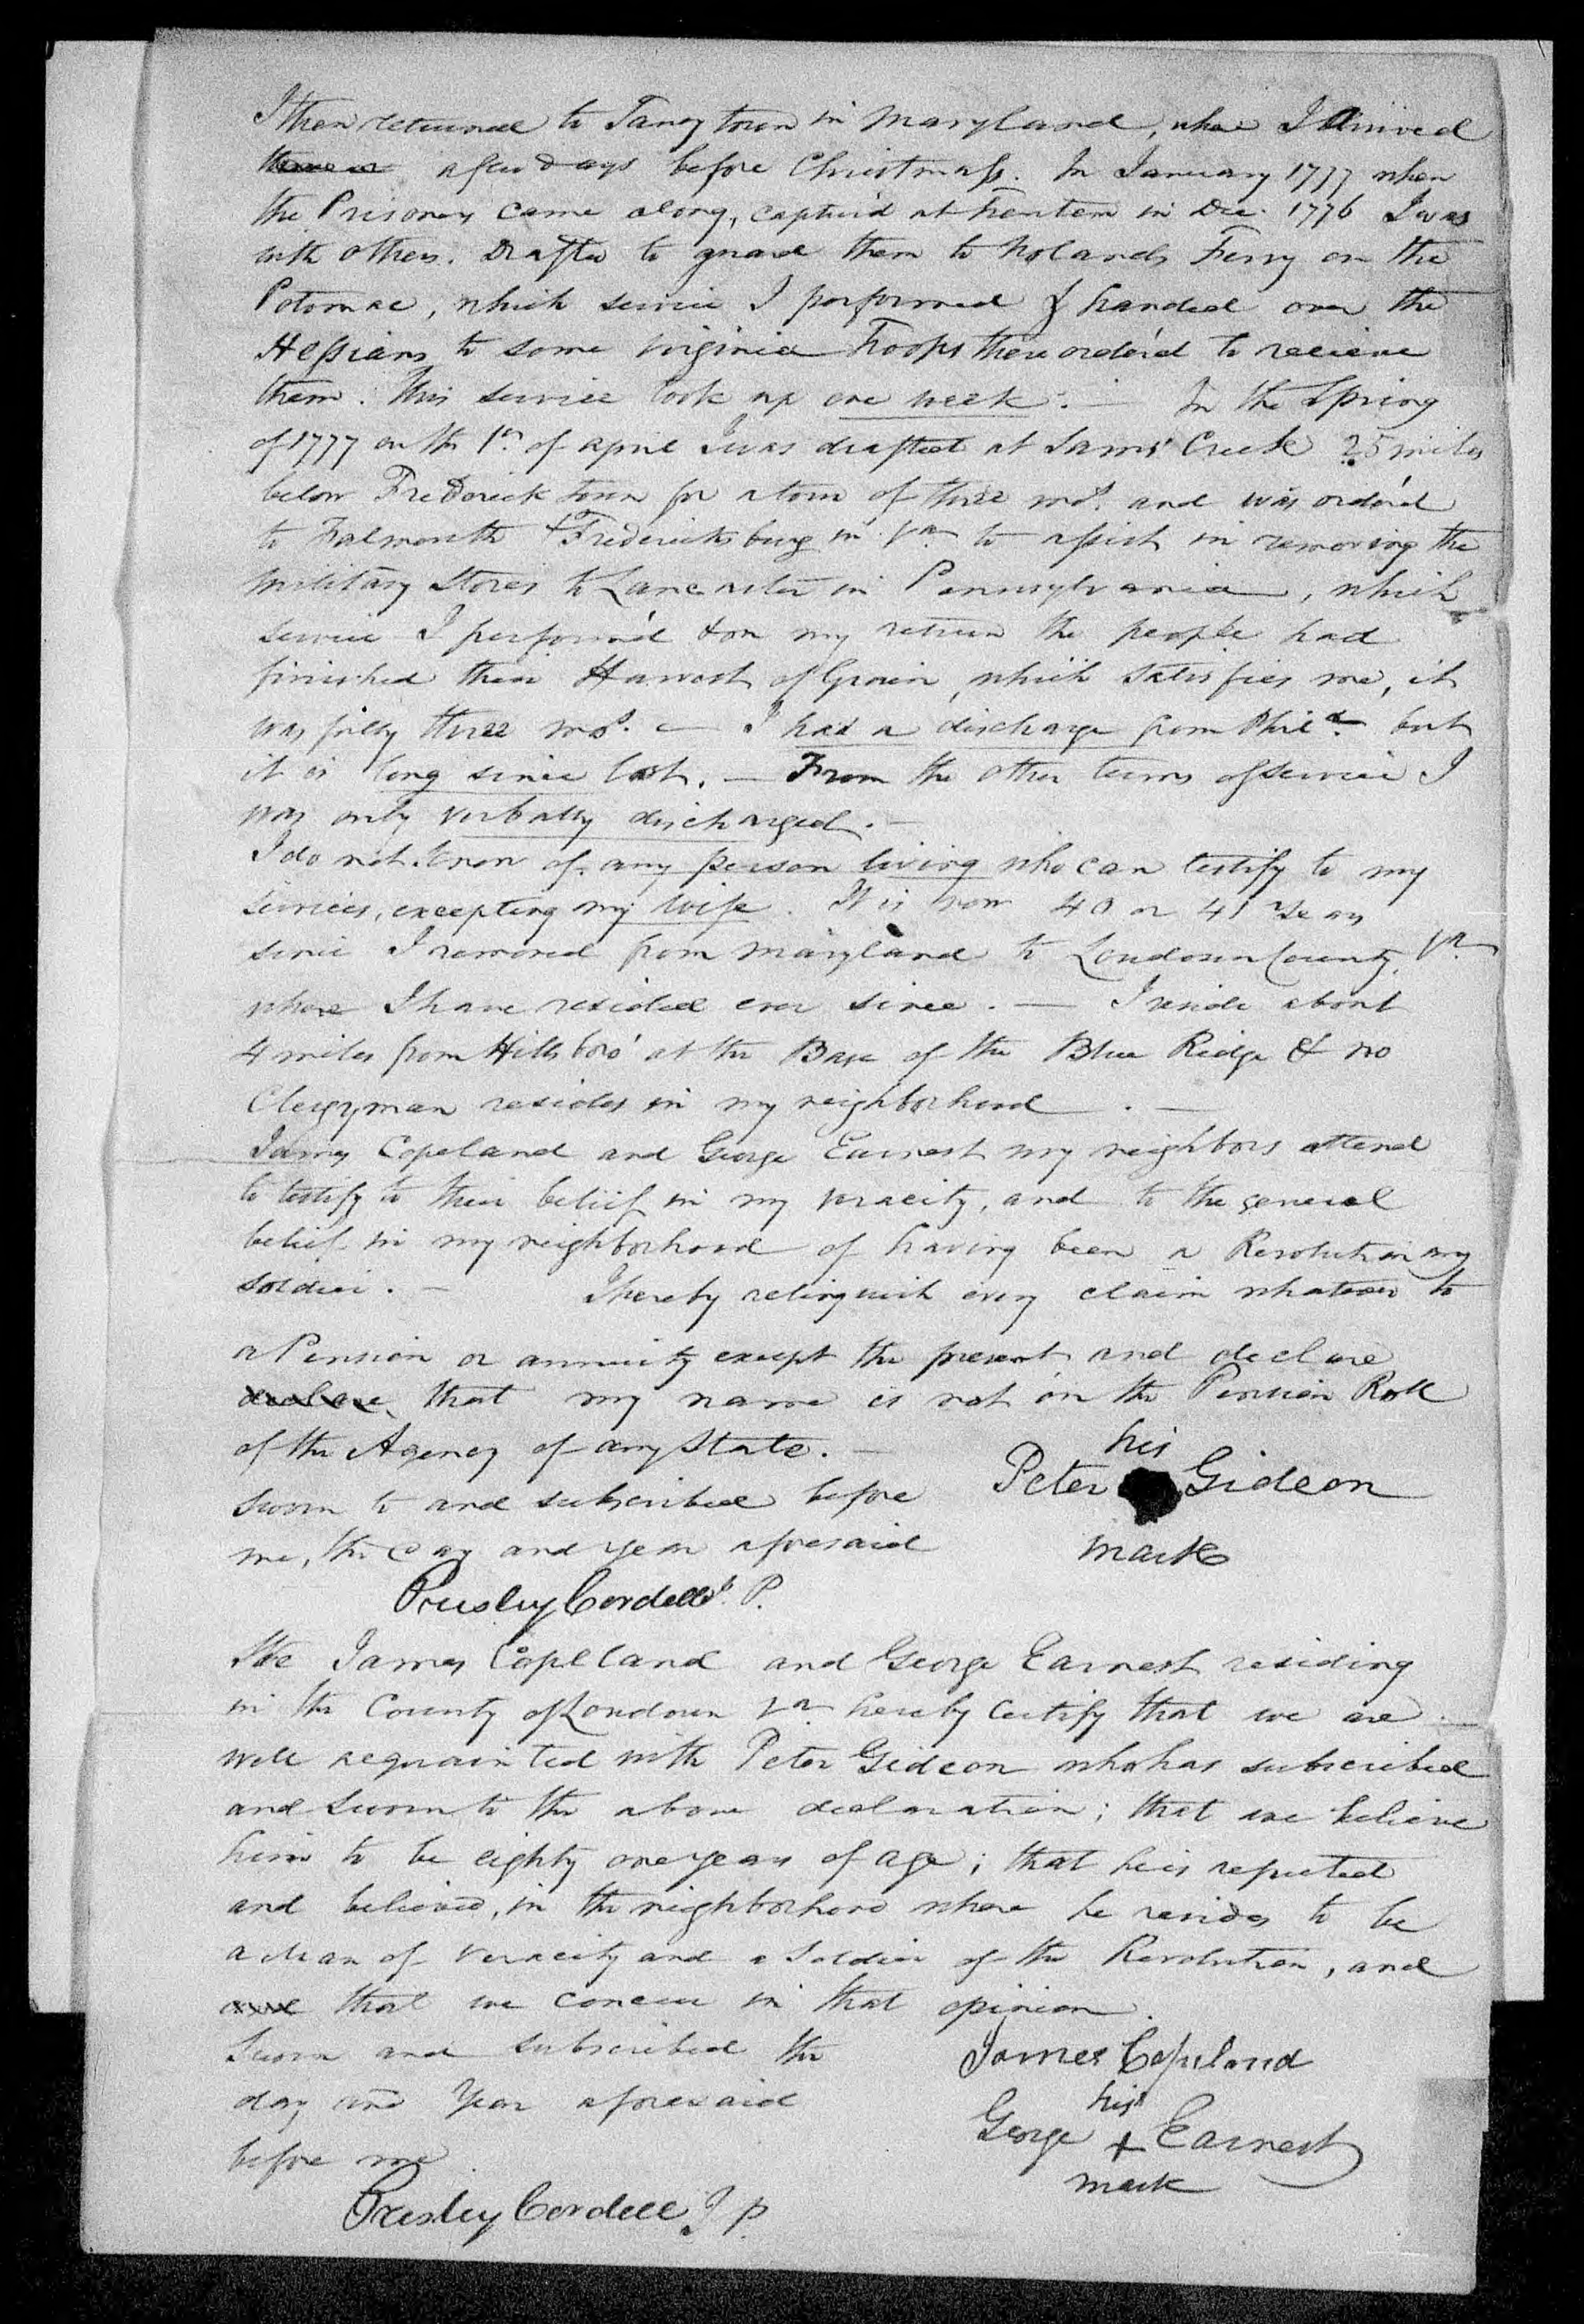I then returned to Taney town in Maryland, where I arrived [word struck out] a few days before Christmas.  In January 1777 when
the Prisoners came along, captured at Trenton in Dec. 1776 I was with others. Drafted to guard them to Noland's Ferry on the Potomac, which service I performed & handed over the 
Hessians to some Virginia Troops these order'd to receive them. This service took up one week [last 2 words underlined].--  In the Spring of 1777 on the 1st of April I was drafted at Sam's Creek 25 miles below Frederick town for a term of three mos. and was order'd to Falmouth & Fredericksburg in Va. to assist in removing the military stores to Lancaster in Pennsylvania, which service I performed & on my return the people had finished their Harvest of Grain, which satisfies me, it was fully three mos. I had a discharge from Phila. but it is long since lost.--From the other terms of service I was only verbally discharged.

I do not know of any person living who can testify to my services, excepting my wife.  It is some 40 or 41 years since I removed from Maryland to Laudoun County, Va. where I have resided ever since.--I reside about 4 miles from Hillsboro at the Back of the Blue Ridge & no Clergyman resides in my neighborhood.--

James Copeland and George Earnest my neighbors attend to testify to their belief in my veracity, and to the general belief in my neighborhood of having been a Revolutionary soldier.--I hereby relinquish any claim whatever to a Pension or annuity except the present and declare [a second "declare" stricken out] that my name is not on the Pension Roll of the Agency of any State.--
Peter [inkblot] his mark Gideon

Sworn to and subscribed before 
me, the day and year aforesaid
Presley Cordell J.P.

We James Copeland and George Earnest residing in the County of Loudoun Va. hereby certify that we are well acquainted with Peter Gideon who has subscribed and Sworn to the above declaration; that we believe him to be eighty one years of age; that he is reputed and believed, in the neighborhood where he resides to be a man of veracity and a Soldier of the Revolution, and [a second "and" stricken out] that we concur in that opinion.
James Copeland
George X his mark Earnest

Sworn and subscribed the
day and year aforesaid
before me
Presley Cordell J.P.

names: James Copeland, George Earnest, James Copeland, George Earnest, Presley Cordell, James Copeland, Presley Cordell, Peter Gideon, Peter Gideon, George Earnest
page: 7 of 64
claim: survivor's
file: S. 6887, Peter Gideon, Md.